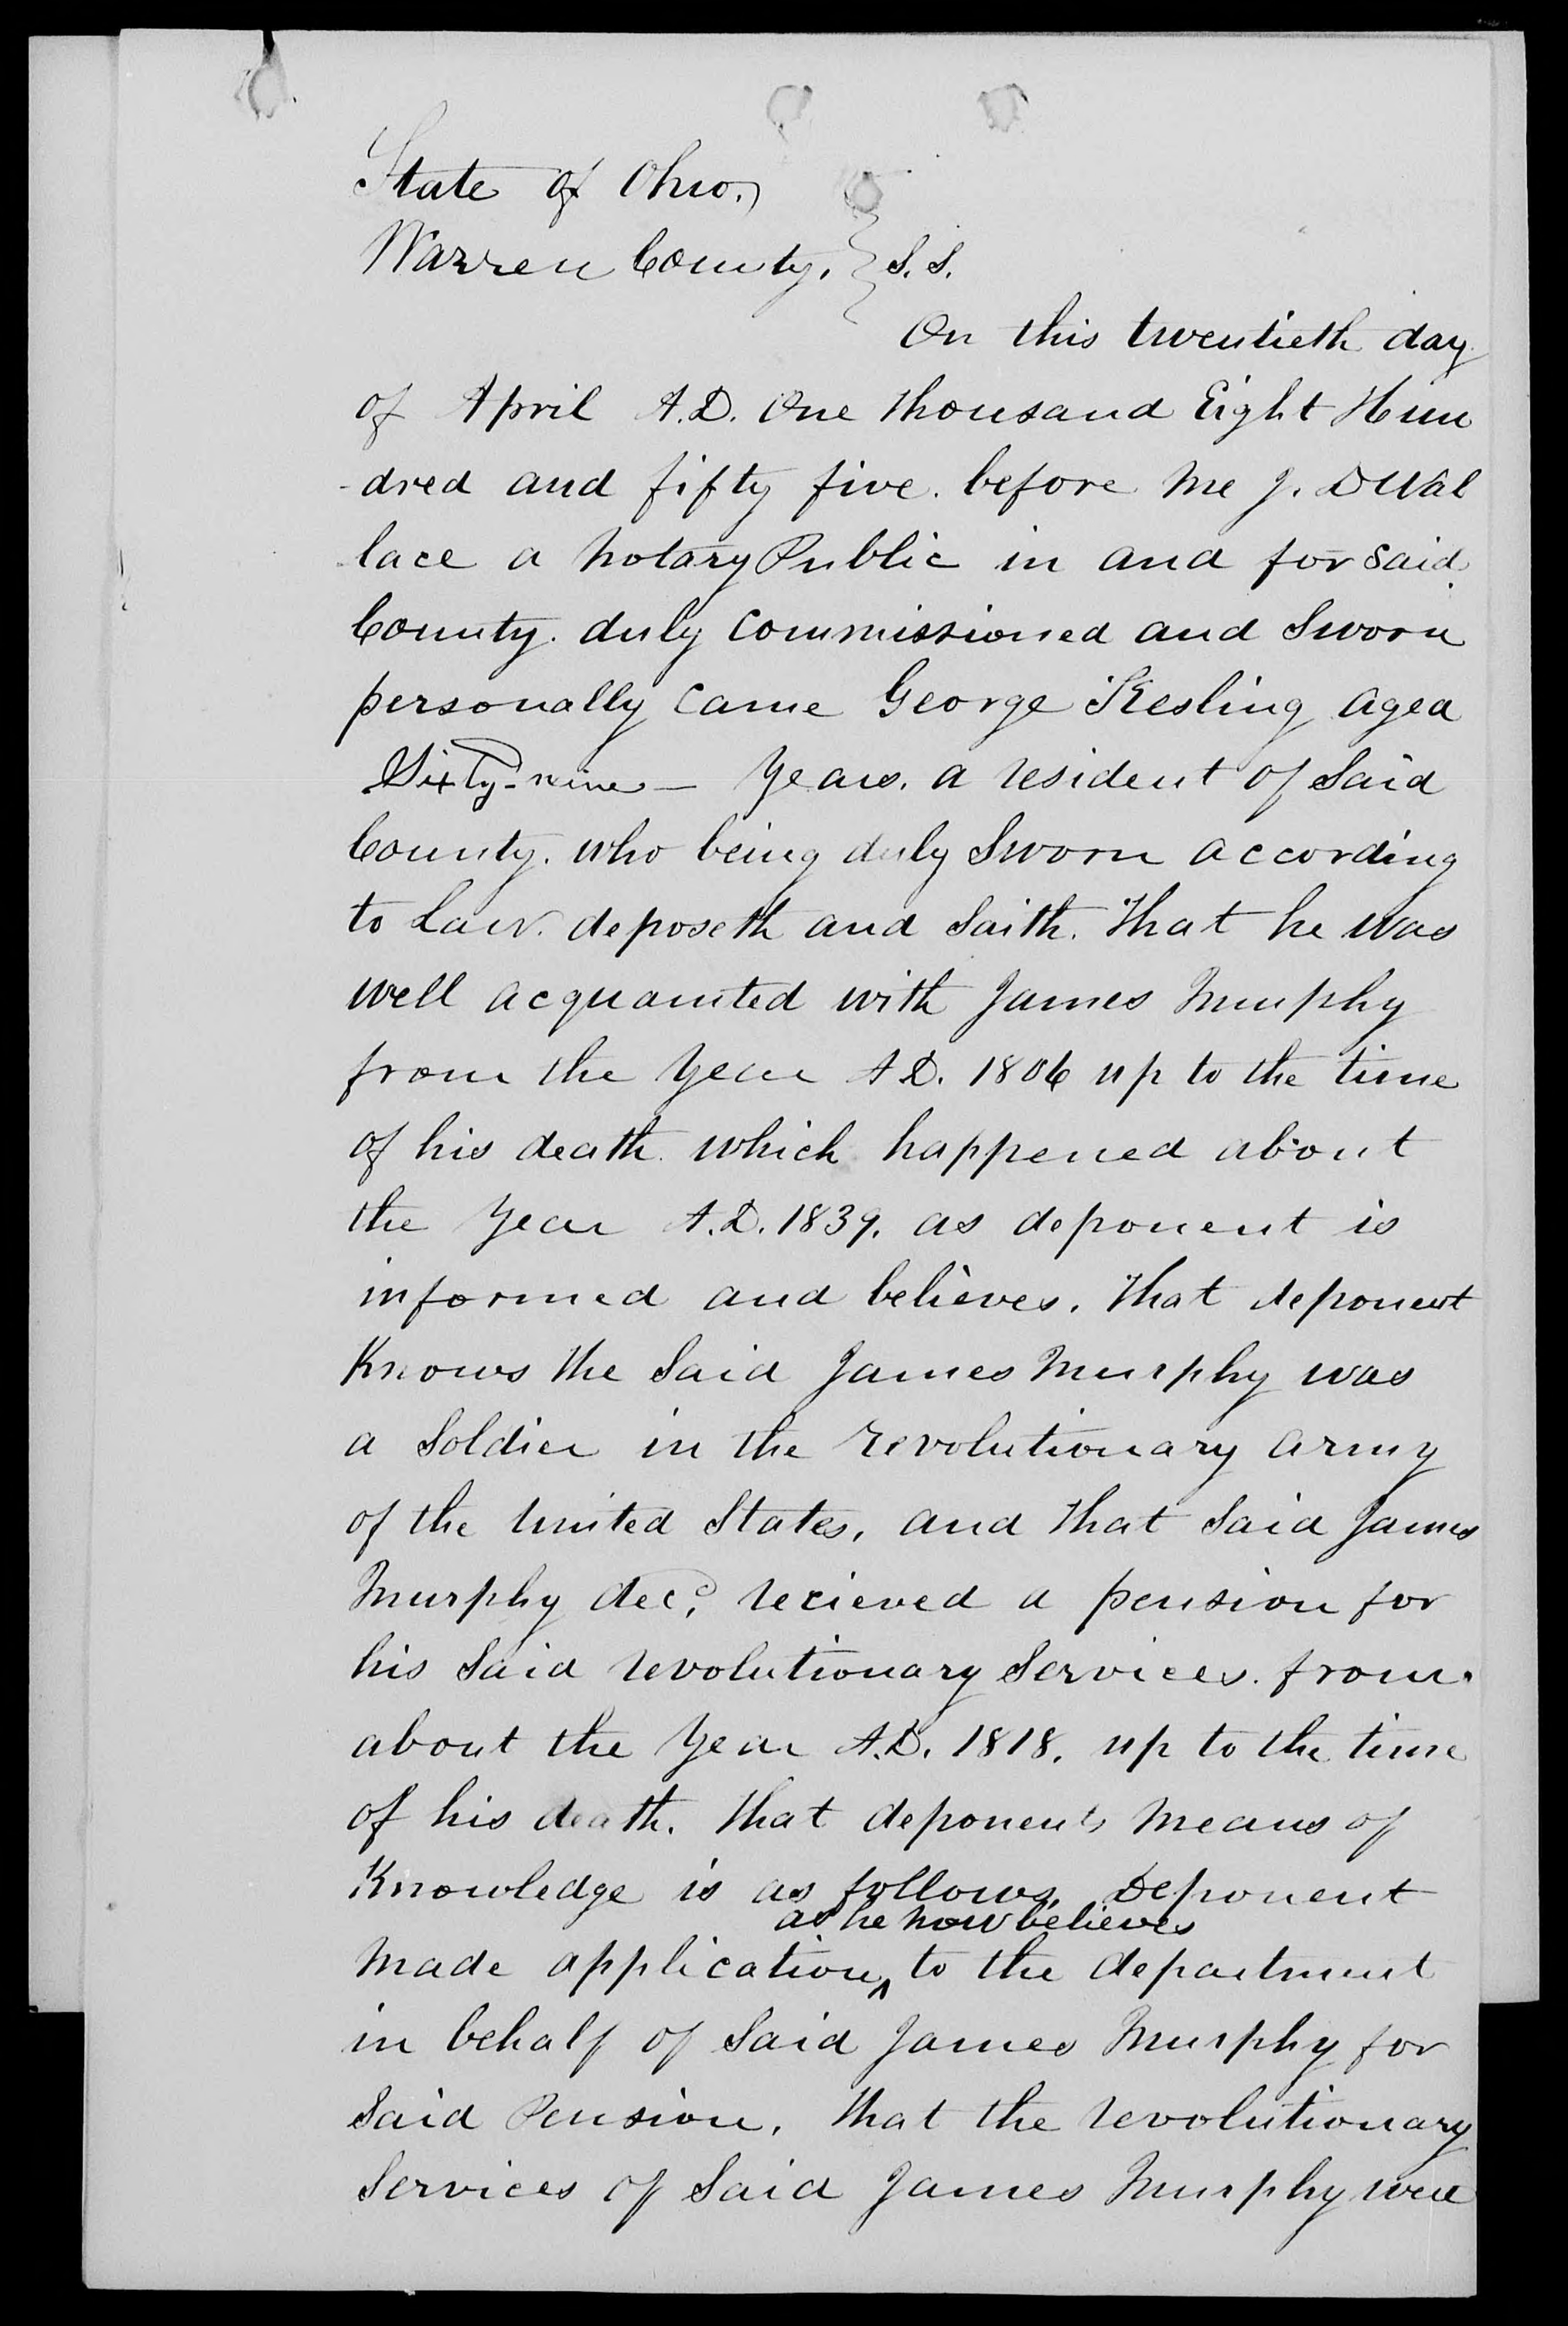State of Ohio.
Warren County S.S

On this twentieth day
of April A.D. One thousand Eight Hundred 
and fifty five before me J. D Wallace 
a Notary Public in and for said
County duly commissioned and Sworn
personally came George Kesling aged
Sixty nine years, a resident of said
County who being duly sworn according to
law deposeth and saith. That he was
well acquainted with James Murphy
from the year A.D. 1806 up to the time
of his death which happened about
the year A.D. 1839, as deponent is
informed and believes. That deponent
knows the said James Murphy was a
Soldier in the revolutionary army
of the United States, and that said James
Murphy decd, received a pension for
his said revolutionary services from
about the year A.D. 1818, up to the time
of his death.  That deponents means of
knowledge is as follows, Deponent
made application as he now believes to the department
in behalf of said James Murphy for
said Pension, that the revolutionary
services of said James Murphy were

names: George Kesling; J D Wallace; James Murphy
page: 23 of 57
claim: widow's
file: W. 25,739, for James Murphey, Pennsylvania